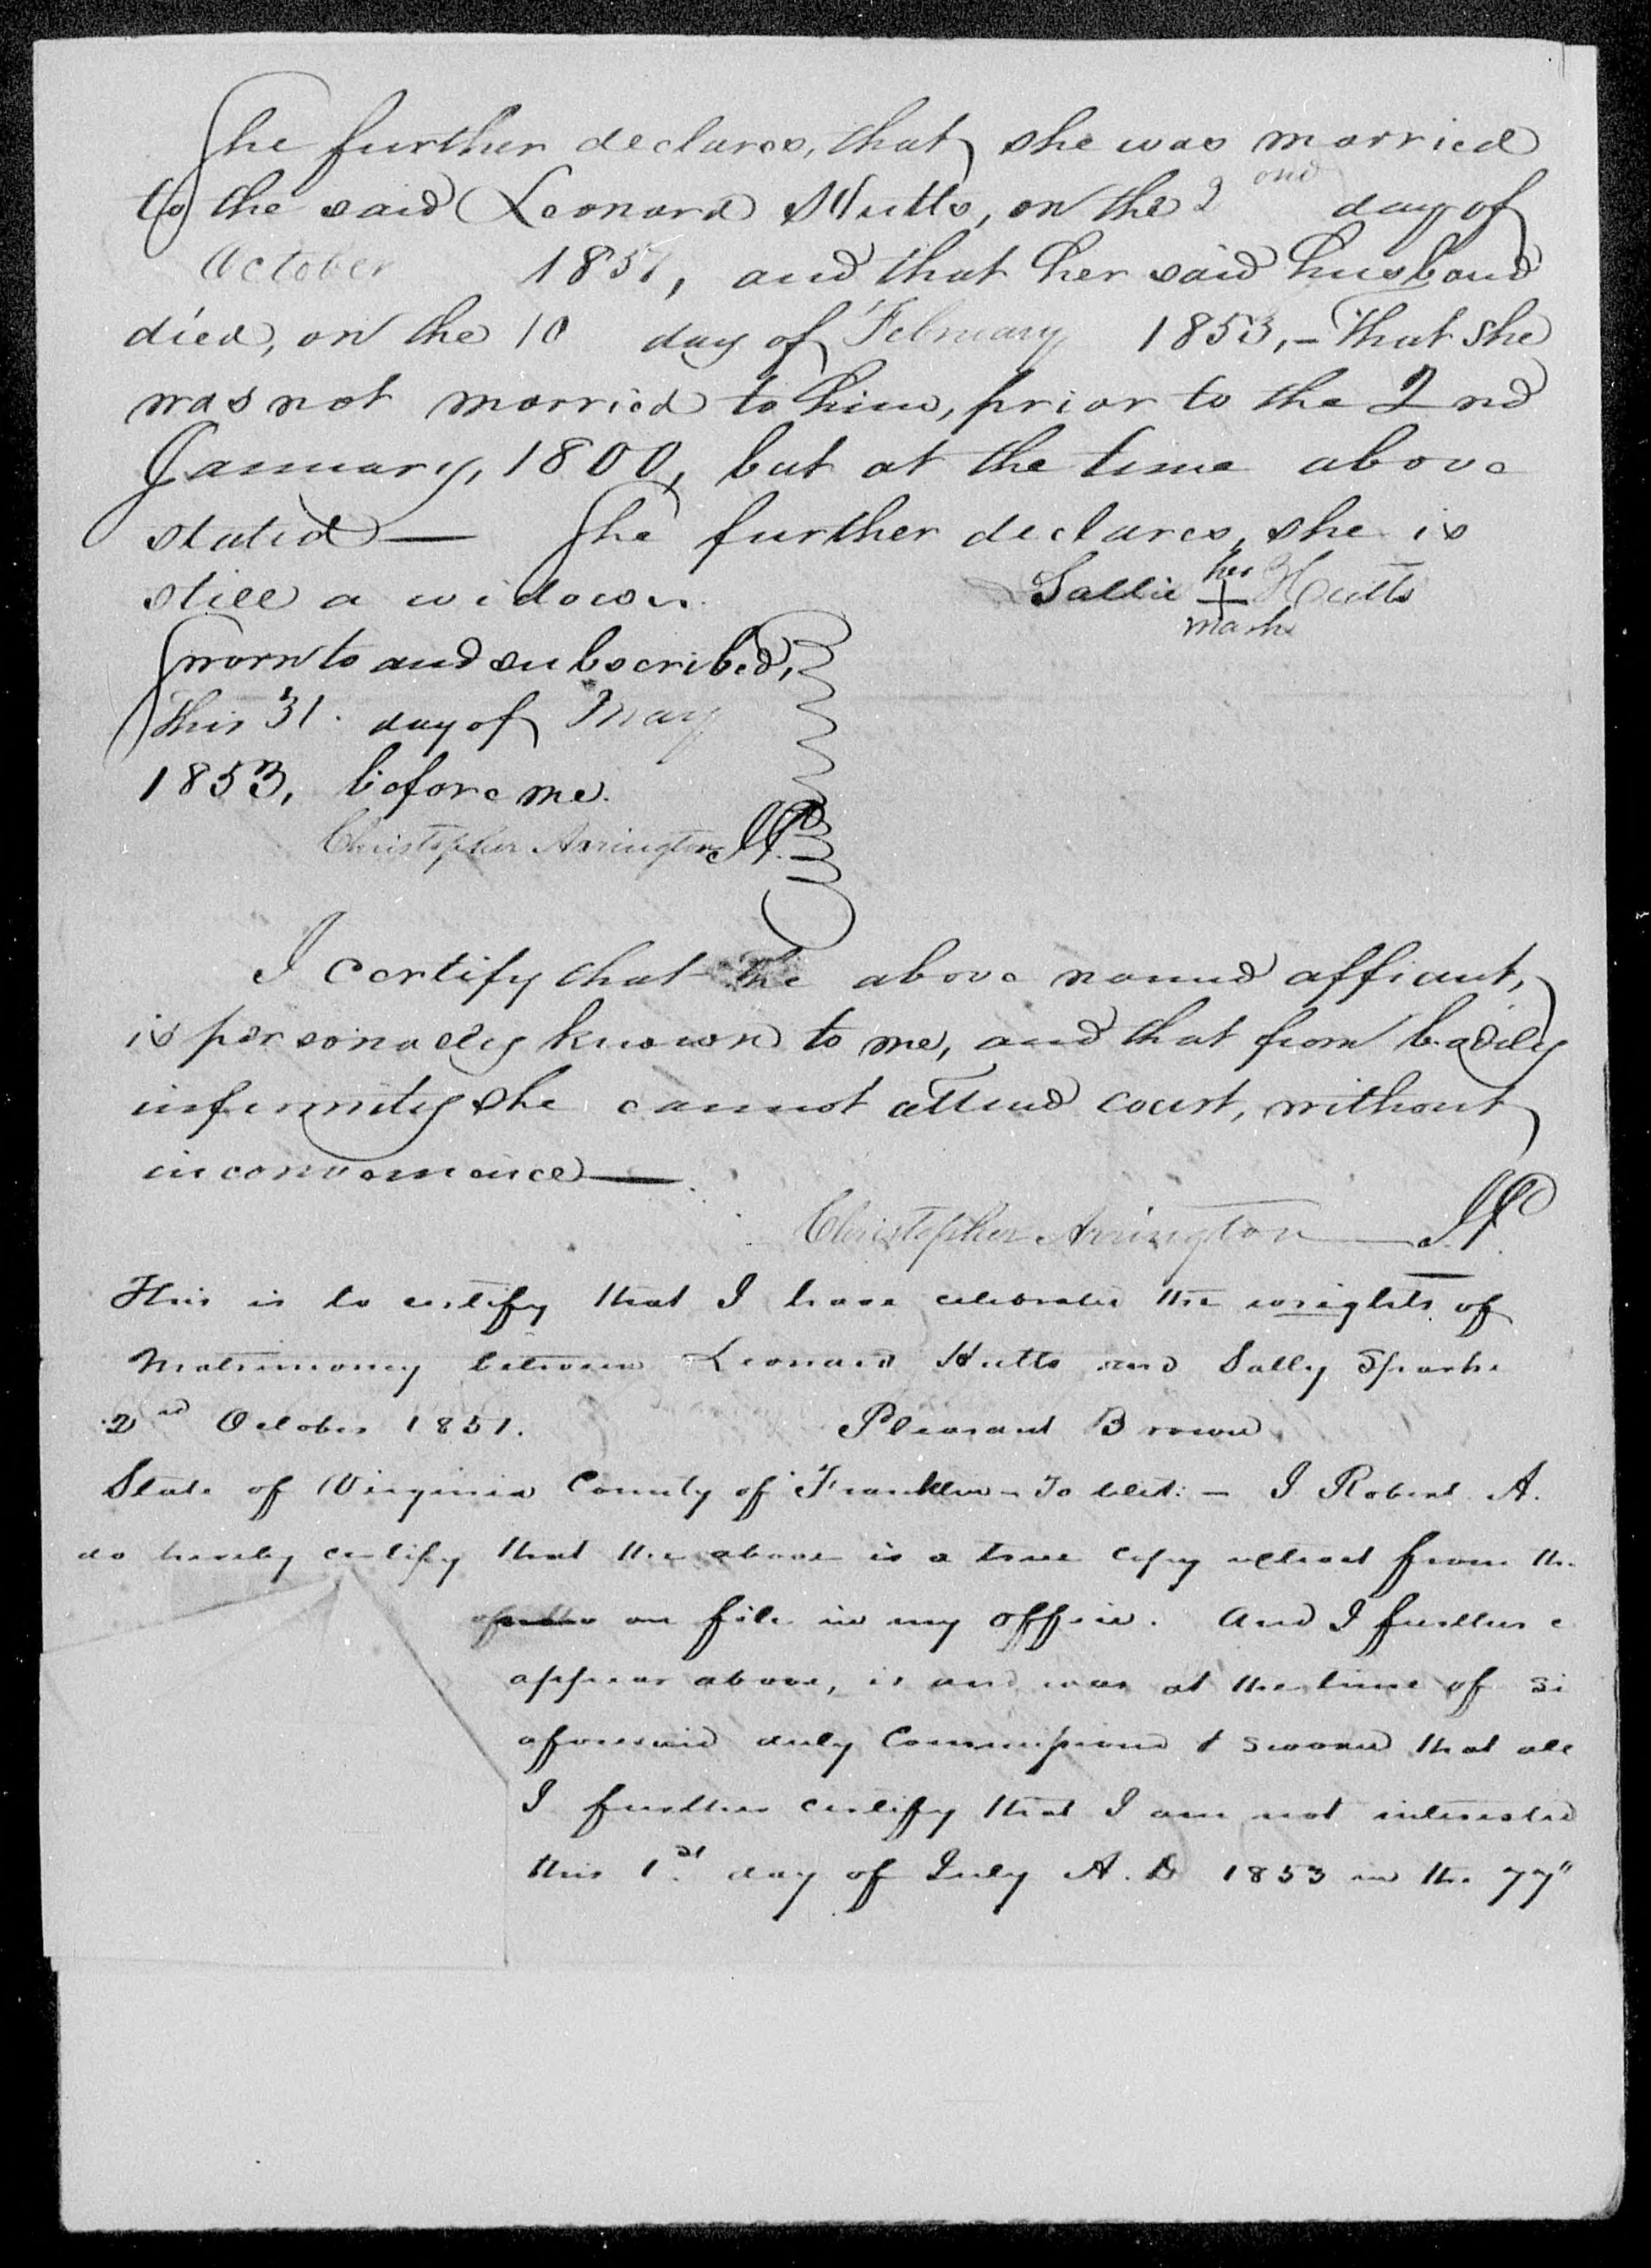She further declares that she was married to the said Leonard Hutts, on the 2nd day of October 1837, and that her said husband died, on the 10 day of February 1853. That she was not married to him, prior to the 2nd January, 1800, but at the time above stated – She further declares, she is still a widow..
Sallie [her + mark] Hutts
Sworn and subscribed,]
This 31 day of May]
1853, before me}
Christopher Arrington JP}

I certify that the above named affiant is personally known to me, and that from badly infirmity she cannot attend court, without inconvenience.
Christopher Arrington JP

This is to certify that I have celebrated the wrights of Matrimony between Leonard Hutts and Sally Spark 2nd October 1851.     Pleasant Brown

State of Virginia, County of Franklin To Wit – I Robert A. [page cut off]
do hereby certify that her above is a true copy [Illegible] from the [page cut off]
file in my office. And I further [page cut off]
appear above, is and was at [Illegible] of 3 [page cut off]
aforesaid duly Commissioned & sworn that all [page cut off]
I further certify that I am not interested [page cut off]
this 1st day of July A. D. 1853 in the 77’ [page cut off]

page: 6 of 33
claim: widow's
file: W. 550, for Leonard Hutts, Virginia